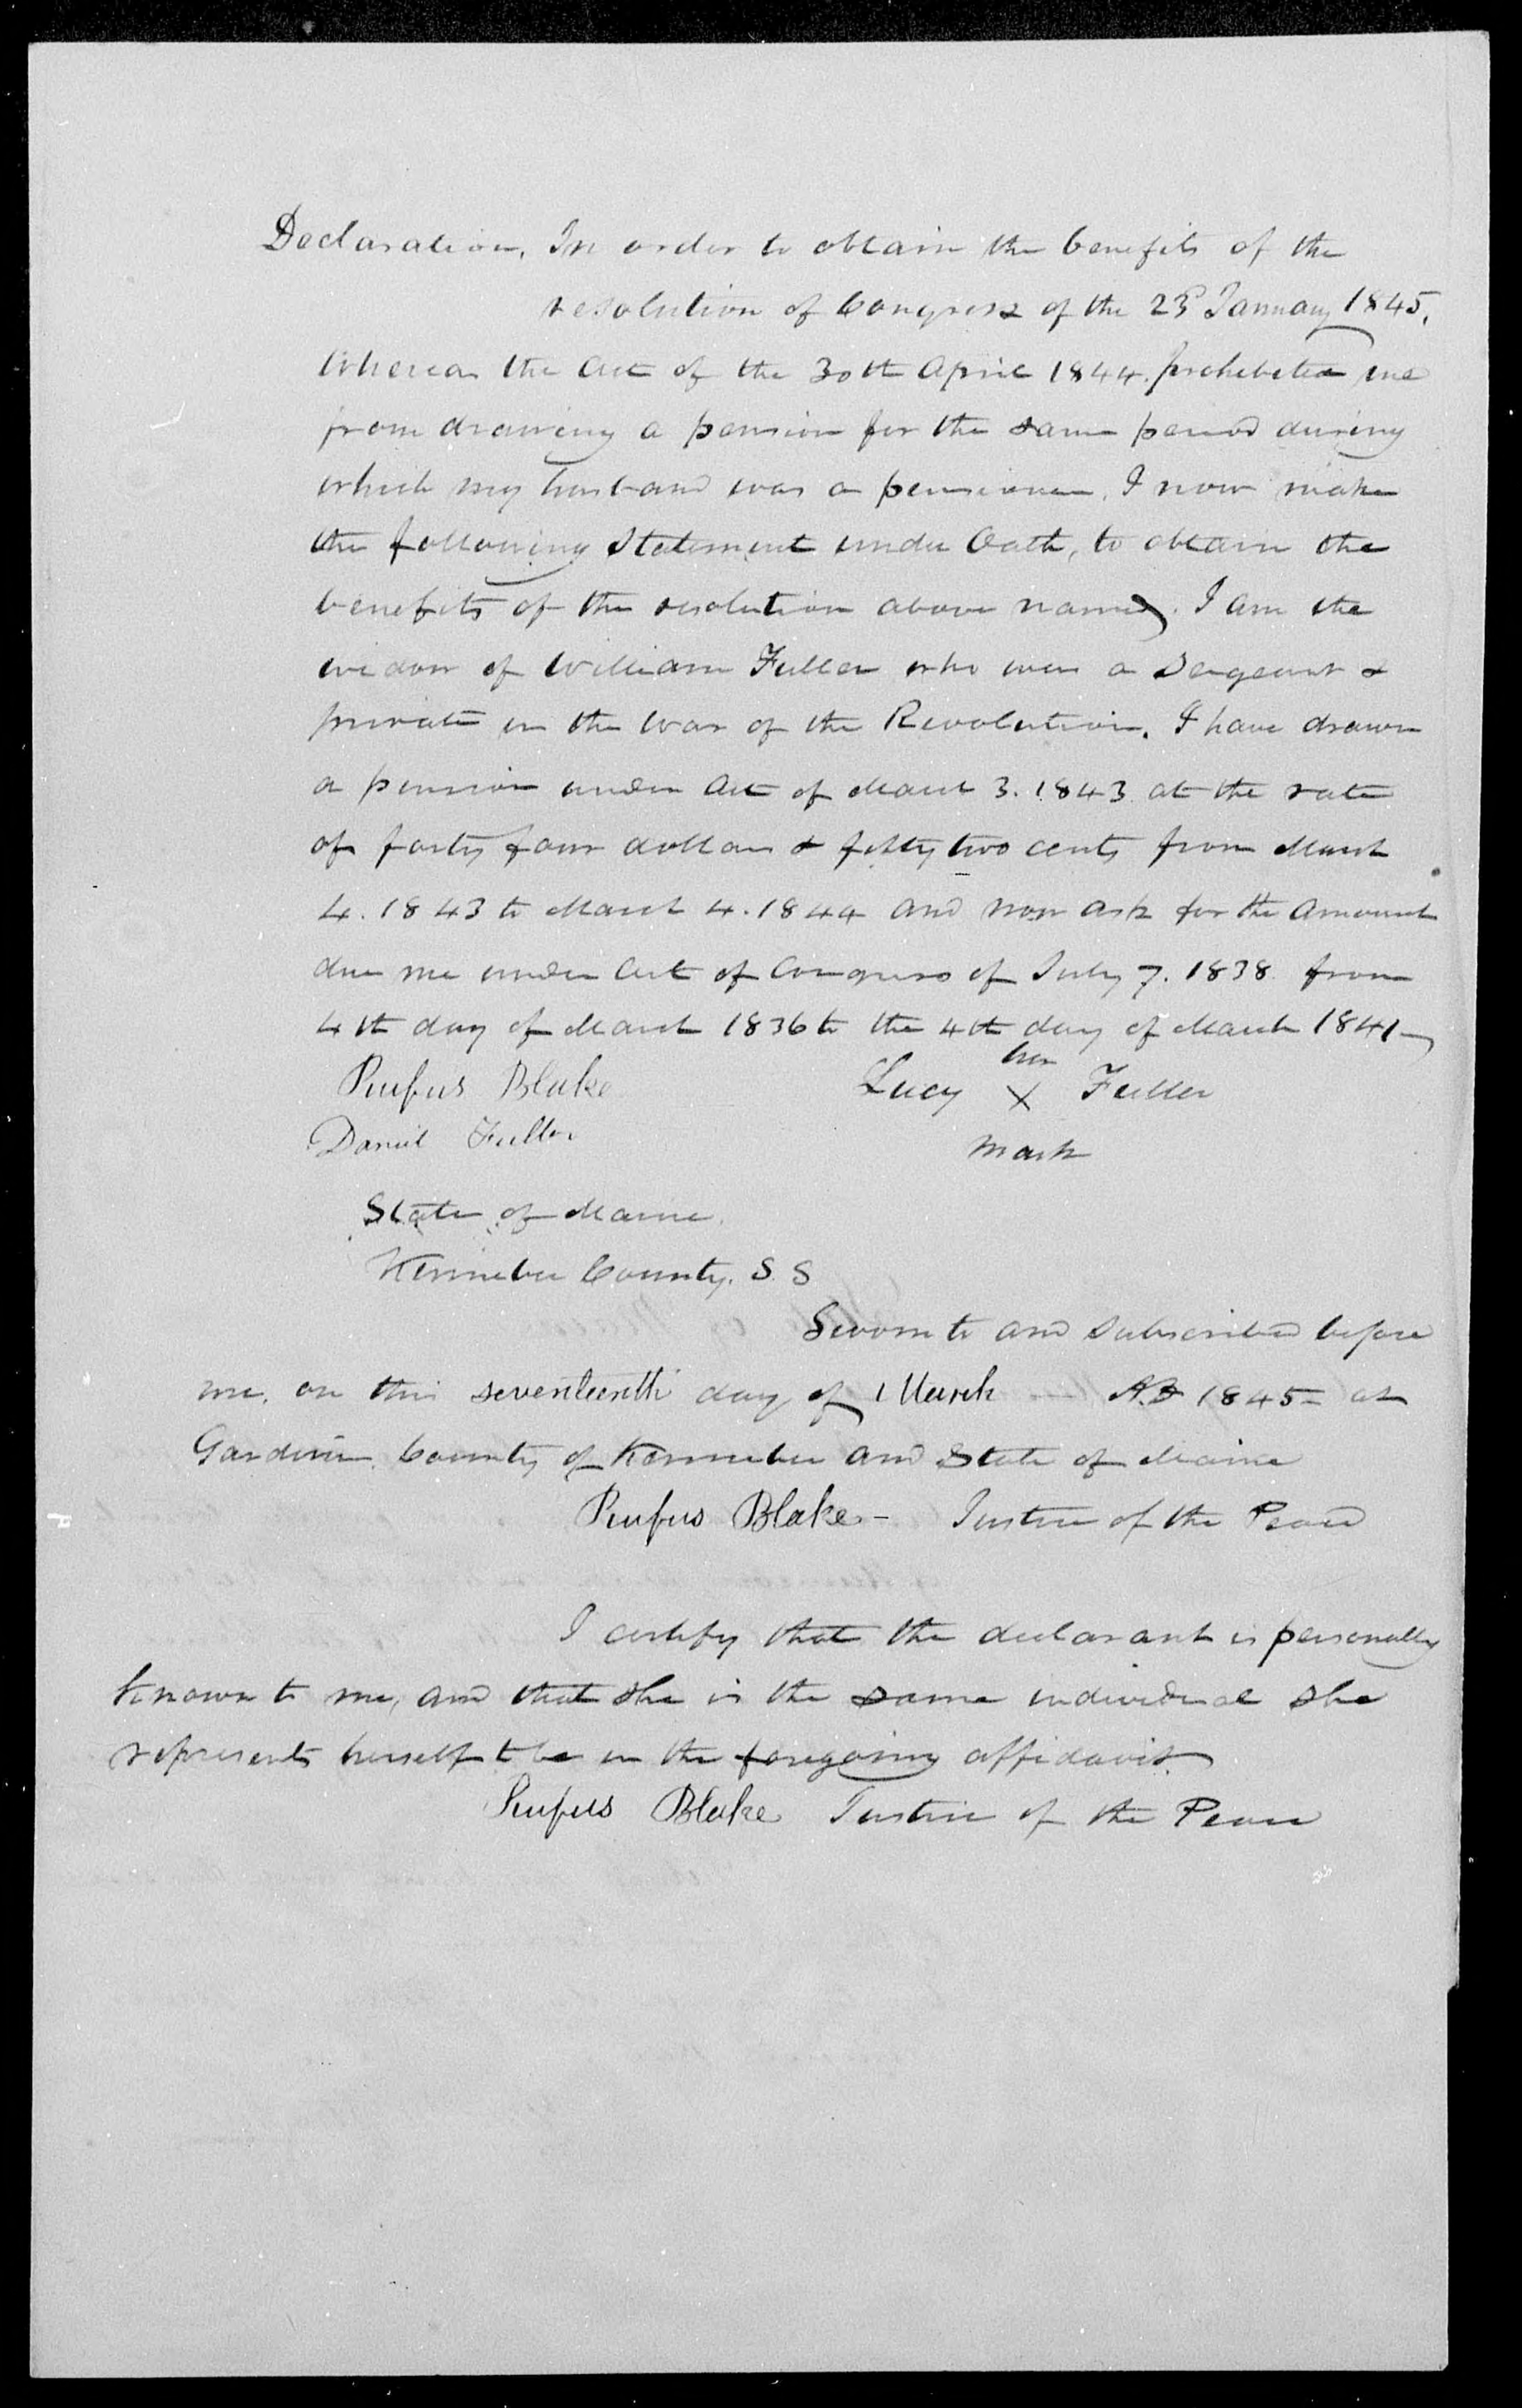Declaration, In order to obtain the benefits of the resolution of Congress of the 23rd January 1845. Whereas the Act of the 30th April 1844, prohibited one from drawing a pension for the same paid during which my husband was a pensioner, I now make the following statement under Oath, to obtain the benefits of the resolution above named. I am the widow of William Fuller who was a Sergeant & private in the War of the Revolution. I have drawn a pension under Act of March 3rd, 1843 at the rate of forty four dollars & fifty two cents from March 4, 1843 to March 4, 1844 and now ask for the amount due me under Act of Congress of July 7, 1838 from 4th day of March 1836 to the 4th day of March 1841-
Rufus Blake 
Daniel Fuller
Lucy  her X mark  Fuller
State of Maine,
Kennebec County, S. S.
Sworn to and subscribed before me, on this seventeenth day of March A.D 1845- at Gardiner, County of Kennebec and State of Maine
Rufus Blake - Justice of the Peace
I certify that the declarant is personally known to me, and that she is the same individual she represents herself to be in the foregoing affidavit.
Rufus Blake  Justice of the Peace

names: Daniel Fuller, Lucy Fuller, Rufus Blake, William Fuller, Rufus Blake, Rufus Blake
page: 28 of 45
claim: widow's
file: W. 17933, William Fuller, Mass